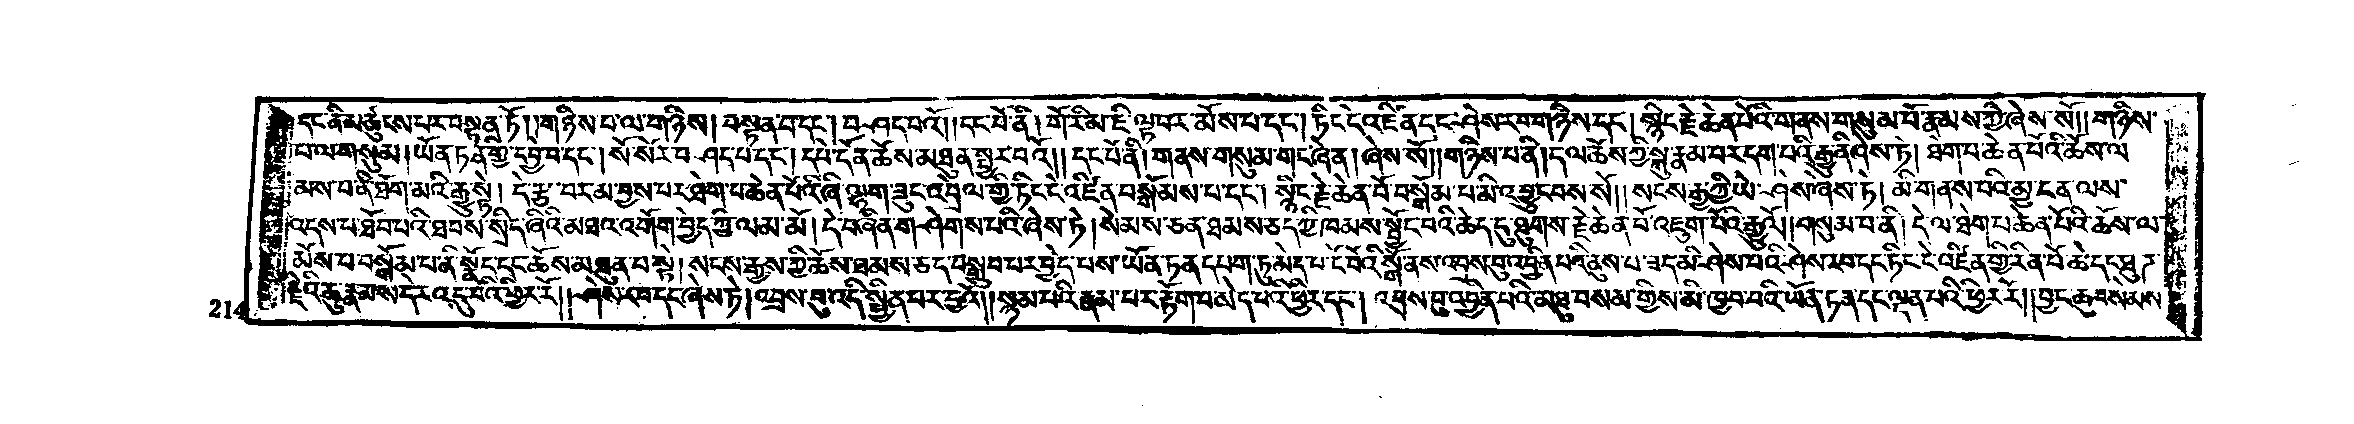དང་ནི་མཚུངས་པར་བསྟན་ཏོ། །གཉིས་པ་ལ་གཉིས། བསྟན་པ་དང་། བཤད་པའོ། །དང་པོ་ནི། གོ་རིམ་ཇི་ལྟ་བར་མོས་པ་དང་། ཏིང་ངེ་འཛིན་དང་ཤེས་རབ་གཉིས་དང་། སྙིང་རྗེ་ཆེན་པོའི་གནས་གསུམ་པོ་རྣམས་ཀྱི་ཞེས་སོ། །གཉིས་
པ་ལ་གསུམ། ཡོན་ཏན་གྱི་དབྱེ་བ་དང་། སོ་སོར་བཤད་པ་དང་། དཔེ་དོན་ཆོས་མཐུན་སྦྱར་བའོ། །དང་པོ་ནི། གནས་གསུམ་གང་ཞེ་ན། ཞེས་སོ། །གཉིས་པ་ནི། དེ་ལ་ཆོས་ཀྱི་སྐུ་རྣམ་པར་དག་པའི་རྒྱུ་ནི་ཞེས་ཏེ། ཐེག་པ་ཆེན་པོའི་ཆོས་ལ་
མས་པ་ནི་ཐོག་མའི་རྒྱུ་སྟེ། དེ་རྩ་བར་མ་བྱས་པར་ཐེག་པ་ཆེན་པོའི་ཞི་ལྷག་ཟུང་འབྲེལ་གྱི་ཏིང་ངེ་འཛིན་བསྒོམས་པ་དང་། སྙིང་རྗེ་ཆེན་པོ་བསྒོམ་པ་མི་འབྱུང་བས་སོ། །སངས་རྒྱས་ཀྱི་ཡེ་ཤེས་ཞེས་ཏེ། མི་གནས་པའི་མྱ་ངན་ལས་
འདས་པ་ཐོབ་པའི་ཐབས་སྲིད་ཞིའི་མཐའ་འགོག་བྱེད་ཀྱི་ལམ་མོ། དེ་བཞིན་གཤེགས་པའི་ཞེས་ཏེ། སེམས་ཅན་ཐམས་ཅད་ཀྱི་ཁམས་སྦྱོང་བའི་ཆེད་དུ་ཐུགས་རྗེ་ཆེན་པོ་འཇུག་པོའི་རྒྱུའོ། །གསུམ་པ་ནི། དེ་ལ་ཐེག་པ་ཆེན་པོའི་ཆོས་ལ་
མོས་པ་བསྒོམ་པ་ནི་སྣོད་དང་ཆོས་མཐུན་པ་སྟེ། སངས་རྒྱས་ཀྱི་ཆོས་ཐམས་ཅད་བསྒྲུབ་པར་བྱེད་པས་ཡོན་ཏན་དཔག་ཏུ་མེད་པ་ངོ་བོའི་སྒོ་ནས་འབྲས་བུ་འབྱིན་པའི་ནུས་པ་ཟད་མི་ཤེས་པའི་ཤེས་རབ་དང་ཏིང་ངེ་འཛིན་གྱི་རིན་པོ་ཆེ་དང་ཐུགས་
རྗེའི་ཆུ་རྣམས་དེར་འདུ་བའི་ཕྱིར་རོ། །ཤེས་རབ་དང་ཞེས་ཏེ། འབྲས་བུ་འདི་སྦྱིན་པར་བྱའོ། །སྙམ་པའི་རྣམ་པར་རྟོག་པ་མེད་པའི་ཕྱིར་དང་། འབྲས་བུ་འབྱིན་པའི་མཐུ་བསམ་གྱིས་མི་ཁྱབ་པའི་ཡོན་ཏན་དང་ལྡན་པའི་ཕྱིར་རོ། །བྱང་ཆུབ་སེམས་